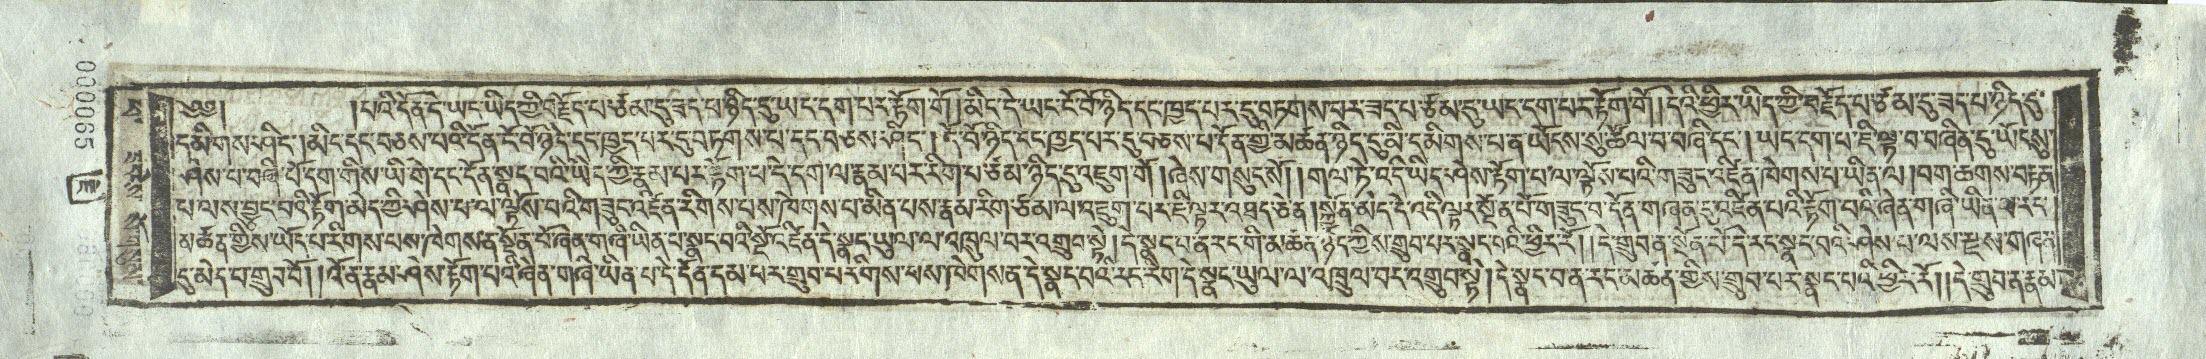༄༅། །པའི་དོན་དེ་ཡང་ཡིད་ཀྱི་བརྗོད་པ་ཙམ་དུ་ཟད་པ་ཉིད་དུ་ཡང་དག་པར་རྟོག་གོ། མིང་དེ་ཡང་ངོ་བོ་ཉིད་དང་ཁྱད་པར་དུ་བཏགས་པར་ཟད་པ་ཙམ་དུ་ཡང་དག་པར་རྟོག་གོ། དེའི་ཕྱིར་ཡིད་ཀྱི་བརྗོད་པ་ཙམ་དུ་ཟད་པ་ཉིད་དུ་
དམིགས་ཤིང་། མིང་དང་བཅས་པའི་དོན་ངོ་བོ་ཉིད་དང་ཁྱད་པར་དུ་བཏགས་པ་དང་བཅས་ཤིང་། ངོ་བོ་ཉིད་དང་ཁྱད་པར་དུ་བཅས་པ་དོན་གྱི་མཚན་ཉིད་དུ་མི་དམིགས་པ་ན་ཡོངས་སུ་ཚོལ་བ་བཞི་དང་། ཡང་དག་པ་ཇི་ལྟ་བ་བཞིན་དུ་ཡོངས་སུ་
ཤེས་པ་བཞི་པོ་དག་གིས་ཡི་གེ་དང་དོན་སྣང་བའི་ཡིད་ཀྱི་རྣམ་པར་རྟོག་པ་དེ་དག་ལ་རྣམ་པར་རིག་པ་ཙམ་ཉིད་དུ་འཇུག་གོ། ཞེས་གསུངས་སོ། །གལ་ཏེ་འདི་ཡིད་ཤེས་རྟོག་པ་ལ་ལྟོས་པའི་གཟུང་འཛིན་ཁེགས་པ་ཡིན་ལ། བག་ཆགས་བརྟན་
པ་ལས་བྱུང་བའི་རྟོག་མེད་ཀྱི་ཤེས་པ་ལ་ལྟོས་པའི་གཟུང་འཛིན་རིགས་པས་ཁེགས་པ་མིན་པས་རྣམ་རིག་ཙམ་ལ་འཇུག་པར་ཇི་ལྟར་འཐད་ཅེ་ན། སྐྱོན་མེད་དེ་འདི་ལྟར་སྔོན་པོ་གཟུང་བ་དོན་གཞན་དུ་འཛིན་པའི་རྟོག་པའི་ཞེན་གཞི་ཡིན་པ་རང་
མཚན་གྱིས་ཡོད་པ་རིགས་པས་ཁེགས་ན་སྔོན་པོ་ཞེན་གཞི་ཡིན་པ་སྣང་བའི་སྔོ་འཛིན་དེ་སྣང་ཡུལ་ལ་འཁྲུལ་བར་འགྲུབ་སྟེ། དེ་སྣང་བ་ན་རང་གི་མཚན་ཉིད་ཀྱིས་གྲུབ་པར་སྣང་བའི་ཕྱིར་རོ། །དེ་གྲུབ་ན་སྔོན་པོ་དེ་རང་སྣང་བའི་ཤེས་པ་ལས་རྫས་གཞན་
དུ་མེད་པ་གྲུབ་བོ། །འོ་ན་རྣམ་ཤེས་རྟོག་པའི་ཞེན་གཞི་ཡིན་པ་དེ་དོན་དམ་པར་གྲུབ་པ་རིགས་པས་ཁེགས་ན་དེ་སྣང་བའི་རང་རིག་དེ་སྣང་ཡུལ་ལ་འཁྲུལ་བར་འགྲུབ་སྟེ། དེ་སྣང་བ་ན་རང་མཚན་གྱིས་གྲུབ་པར་སྣང་བའི་ཕྱིར་རོ། །དེ་གྲུབ་ན་རྣམ་